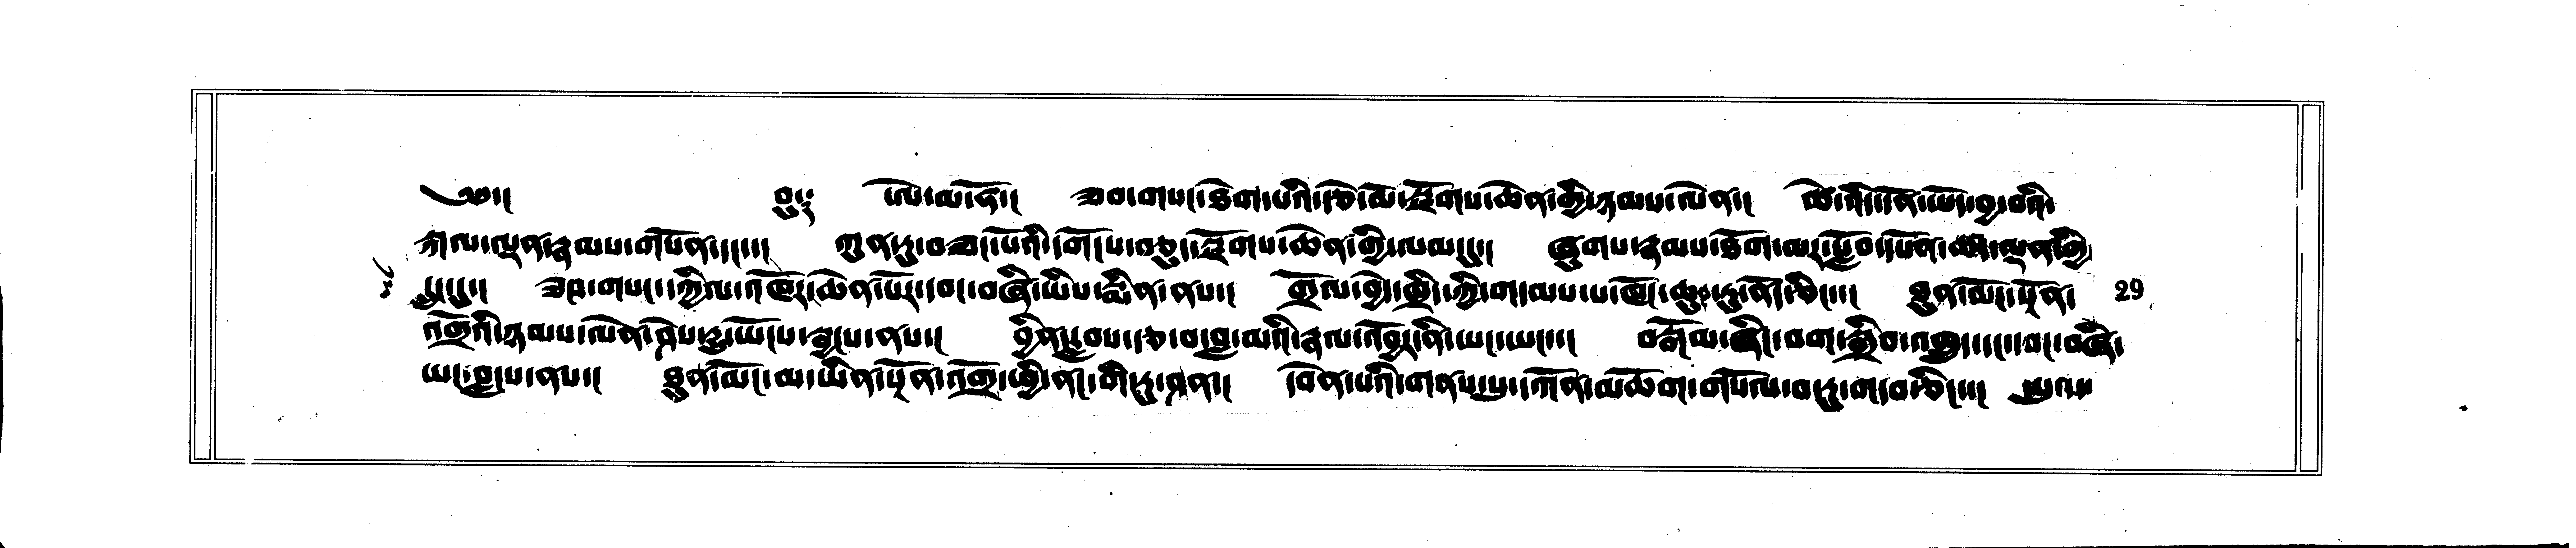བུ།། །།ཨེ་མ་ཧོ། །ཟབ་གསང་ཐེག་པའི་རྩེ་མོ་རྫོགས་ཆེན་གྱི་ཉམས་ལེན། །ཚེ་འདི་དོན་ཡོད་བྱ་བའི་
སྐལ་ལྡན་རྣམས་གསོན་དང་། །ཀུན་ཏུ་བཟང་པོའི་དགོངས་བཅུད་རྫོགས་ཆེན་གྱི་ལམ་དུ། །ཞུགས་ནས་ཐོག་མར་སློབ་དཔོན་ཚད་ལྡན་གྱི་
དྲུང་དུ། །ཟབ་གསང་དཀྱིལ་འཁོར་ཆེན་པོར་དབང་བཞི་ཡིས་སྨིན་ནས། །གྲོལ་བྱེད་ཁྲིད་ཀྱི་གདམས་པ་ཁོང་ཆུབ་ཏུ་ནོད་ཅིང་། །ཐུན་མོང་སྔོན་
འགྲོའི་ཉམས་ལེན་ཤེས་རྒྱུད་ཡོངས་སྦྱངས་ནས། །བྱིན་རླབས་རྩ་བ་བླ་མའི་རྣལ་འབྱོར་ནི་ཡང་ཡང་། །བསྒོམ་ཞིང་བག་སྒྲིབ་འཁྲུད་དང་དབང་བཞི་
ཡང་བླང་ནས། །ཐུན་མོང་མ་ཡིན་སྔོན་འགྲོ་ཕྱི་ནང་གི་རུ་ཤན། །དབེན་པའི་གནས་སུ་དཀོན་མཆོག་གསོལ་བ་རུ་གདབ་ཅིང་། །ཡུལ་